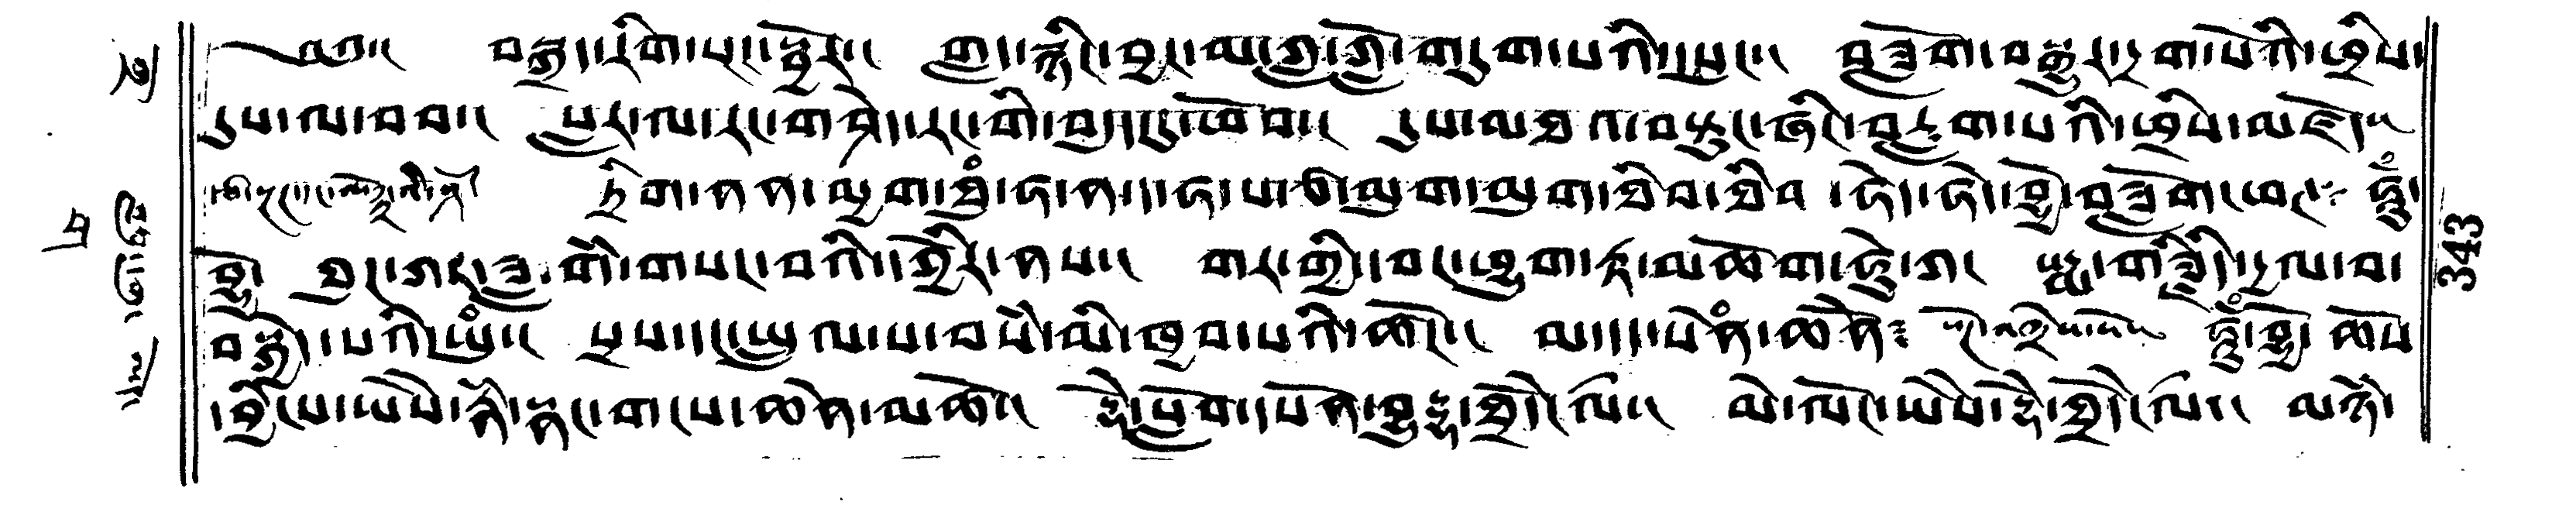བསྐྲད་རིགས་སྔགས་སྦྱོར། །གླང་སྙིང་བྱད་མ་ཀླ་ཀློ་གདུག་པའི་དཔུང་། །ཟློག་སྒྱུར་དྲག་པོའི་ཕྲིན་ལས་
དུས་ལ་བབ། །སླར་ལ་རང་གཤེད་རང་གི་བདུད་དུ་ཕོབ། །དུས་མཐའ་བསྟུང་ཞིང་བརླག་པའི་ཕྲིན་ལས་མཛོད། 
རྩ་སྔགས་དང་ལོཀྟྲིའི་ཤམས། ཏྲིག་ནན་མྱག་ཐུཾ་ཧ་ན་ད་ཧ་པ་ཙ་མུག་མུག་ཐིབ་ཐིབ་ཧེད་ཧེད་བྷྱོ་བཟློག་ཕཊཿ ཧཱུྃ་
བྷྱོ། ཐུགས་ཀར་ཟླ་གམ་གསང་བའི་དཀྱིལ་འཁོར་ནས། གར་གྱི་དབང་ཕྱུག་རྟ་མཆོག་ཧེ་རུ་ཀ །པདྨ་གཟི་རྗིད་རྒྱལ་བ་
བསྐྱེད་པའི་ཡུམ། །སྲས་དང་སྤྲུལ་པ་བསམ་མི་ཁྱབ་པའི་ཚོགས། །མ་དད་སེམས་ཅན་ཆེན་པོ༴ སོགས་འགྲེས་སོ། ཧཱུྃ་བྷྱོ། ཆོས་
དབྱིངས་ཡེ་ཤེས་རྣམ་སྣང་གང་ཆེན་མཚོ། །རྡོ་རྗེ་སློབ་དཔོན་བྷུདྡྷ་ཐོད་ཕྲེང་རྩལ། །མེ་ལོང་ཡེ་ཤེས་རྡོ་རྗེ་ཐོད་ཕྲེང་རྩལ། །མཉམ་